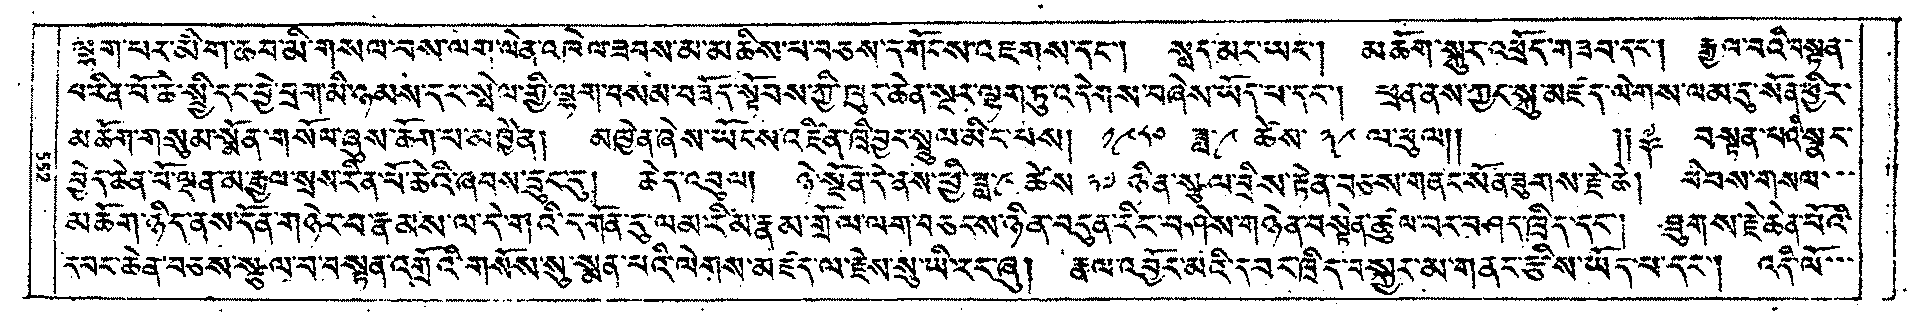ལྷག་པར་མིག་ཆབ་མི་གསལ་བས་ལག་ལེན་འཁེལ་ཐབས་མ་མཆིས་པ་བཅས་དགོངས་འཇགས་དང་། སླད་མར་ཡང་། མཆོག་སྐུར་འཕྲོད་གཟབ་དང་། རྒྱལ་བའི་བསྟན་པ་རིན་པོ་ཆེ་སྤྱི་དང་བྱེ་བྲག་མི་ཉམས་དར་སྤེལ་གྱི་ལྷག་བསམ་བཟོད་སྟོབས་ཀྱི་ཁུར་ཆེན་སྔར་ལྷག་ཏུ་འདེགས་བཞེས་ཡོད་པ་དང་། ཕྲན་ནས་ཀྱང་སྐུ་མཛད་ལེགས་ལམ་དུ་སོན་ཕྱིར་
མཆོག་གསུམ་སྨོན་གསོལ་ཞུས་ཆོག་པ་མཁྱེན། མཁྱེན་ཞེས་ཡོངས་འཛིན་ཁྲི་བྱང་སྤྲུལ་མིང་པས། ༡༩༨༠་ཟླ ༩་ཚེས ༢༩་ལ་ཕུལ།། །། ༈ བསྟན་པའི་སྣང་
བྱེད་ཆེན་པོ་ལྡན་མ་རྒྱལ་སྲས་རིན་པོ་ཆེའི་ཞབས་དྲུང་དུ། ཆེད་འབུལ། ཉེ་སྔོན་དེ་ནས་ཕྱི་ཟླ ༩་ཚེས ༢༧་ཉིན་སྩལ་བྲིས་རྟེན་བཅས་གནང་སོན་ཐུགས་རྗེ་ཆེ། ཕེབས་གསལ་
མཆོག་ཉིད་ནས་དོན་གཉེར་བ་རྣམས་ལ་དེ་གའི་དགོན་དུ་ལམ་རིམ་རྣམ་གྲོལ་ལག་བཅངས་ཉིན་བདུན་རིང་བཤེས་གཉེན་བསྟེན་ཚུལ་བར་བཤད་ཁྲིད་དང་། ཐུགས་རྗེ་ཆེན་པོའི་
དབང་ཆེན་བཅས་སྩལ་བ་བསྟན་འགྲོའི་གསོས་སུ་སྨན་པའི་ལེགས་མཛད་ལ་རྗེས་སུ་ཡི་རང་ཞུ། རྣལ་འབྱོར་མའི་དབང་ཁྲིད་བསྐྱར་མ་གནང་རྩིས་ཡོད་པ་དང་། འདི་ལོ་